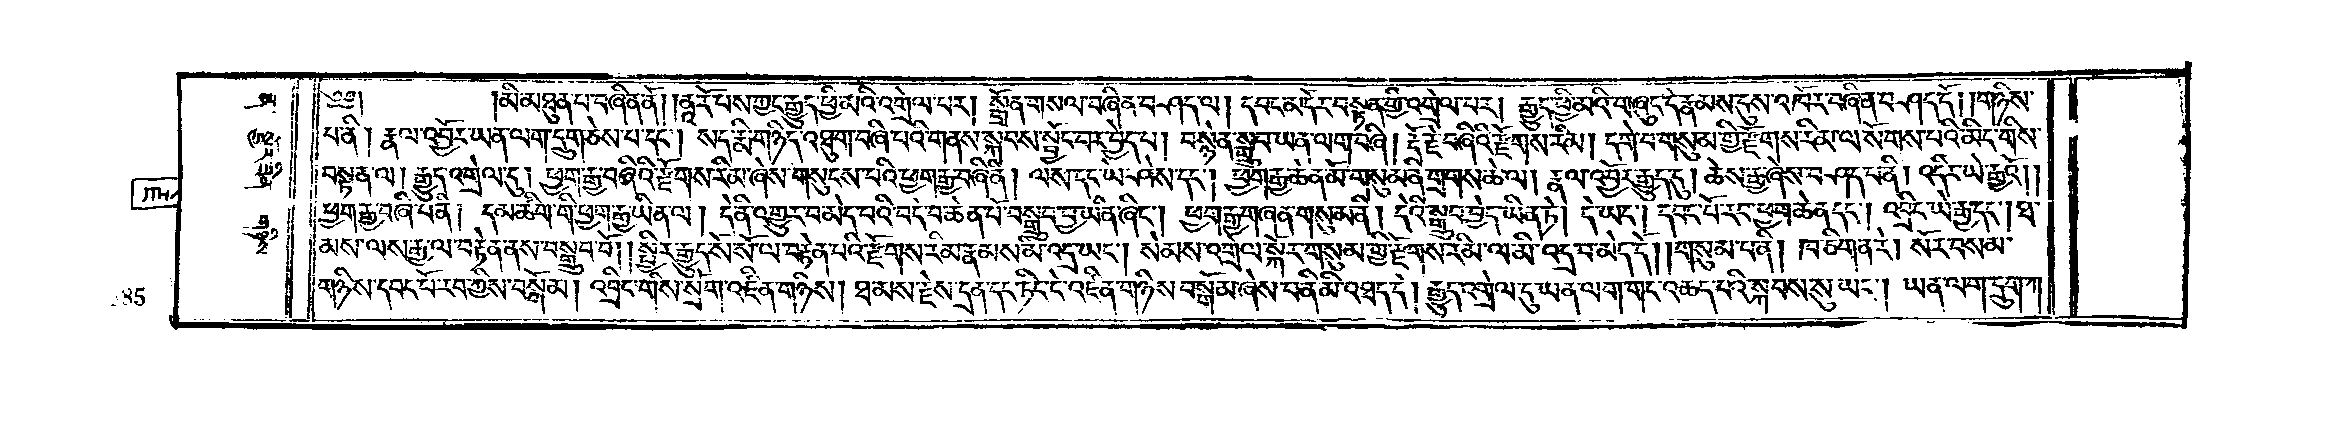༄༅། །མི་མཐུན་པ་བཞིན་ནོ། །ནཱ་རོ་པས་ཀྱང་རྒྱུད་ཕྱི་མའི་འགྲེལ་པར། སྒྲོན་གསལ་བཞིན་བཤད་ལ། དབང་མདོར་བསྟན་གྱི་འགྲེལ་པར། རྒྱུད་ཕྱི་མའི་གཞུང་དེ་རྣམས་དུས་འཁོར་བཞིན་བཤད་དོ། །གཉིས་
པ་ནི། རྣལ་འབྱོར་ཡན་ལག་དྲུག་ཅེས་པ་དང་། སད་རྨི་གཉིད་འཐུག་བཞི་པའི་གནས་སྐབས་སྦྱོང་བར་བྱེད་པ། བསྙེན་སྒྲུབ་ཡན་ལག་བཞི། རྡོ་རྗེ་བཞིའི་རྫོགས་རིམ། དགེ་བ་གསུམ་གྱི་རྫོགས་རིམ་ལ་སོགས་པའི་མིང་གིས་
བསྟན་ལ། རྒྱུད་འགྲེལ་དུ། ཕྱག་རྒྱ་བཞིའི་རྫོགས་རིམ་ཞེས་གསུངས་པའི་ཕྱག་རྒྱ་བཞི་ནི། ལས་དང་ཡེ་ཤེས་དང་། ཕྱག་རྒྱ་ཆེན་མོ་གསུམ་ནི་གྲགས་ཆེ་ལ། རྣལ་འབྱོར་རྒྱུད་དུ། ཆེས་རྒྱ་ཞེས་བཤད་པ་ནི། འདིར་ཡེ་རྒྱའོ། །
ཕྱག་རྒྱ་བཞི་པ་ནི། དམ་ཚིག་གི་ཕྱག་རྒྱ་ཡིན་ལ། དེ་ནི་འགྱུར་བ་མེད་པའི་བདེ་བ་ཆེན་པོ་བསྒྲུབ་བྱ་ཡིན་ཞིང་། ཕྱག་རྒྱ་གཞན་གསུམ་ནི། དེའི་སྒྲུབ་བྱེད་ཡིན་ཏེ། དེ་ཡང་། དབང་པོ་རང་ཕྱག་ཆེན་དང་། འབྲིང་ཡེ་རྒྱ་དང་། ཐ་
མས་ལས་རྒྱ་ལ་བརྟེན་ནས་བསྒྲུབ་བོ། །སྤྱིར་རྒྱུད་སོ་སོ་ལ་བརྟེན་པའི་རྫོགས་རིམ་རྣམས་མི་འདྲ་ཡང་། སེམས་འགྲེལ་སྐོར་གསུམ་གྱི་རྫོགས་རིམ་ལ་མི་འདྲ་བ་མེད་དོ། །གསུམ་པ་ནི། ཁ་ཅིག་ན་རེ། སོར་བསམ་
གཉིས་དབང་པོ་རབ་ཀྱིས་བསྒོམ། འབྲིང་གིས་སྲོག་འཛིན་གཉིས། ཐ་མས་རྗེས་དྲན་དང་ཏིང་ངེ་འཛིན་གཉིས་བསྒོམ་ཞེས་པ་ནི་མི་འཐད་དེ། རྒྱུད་འགྲེལ་དུ་ཡན་ལག་གང་འཆད་པའི་སྐབས་སུ་ཡང་། ཡན་ལག་དྲུག་ཀ་